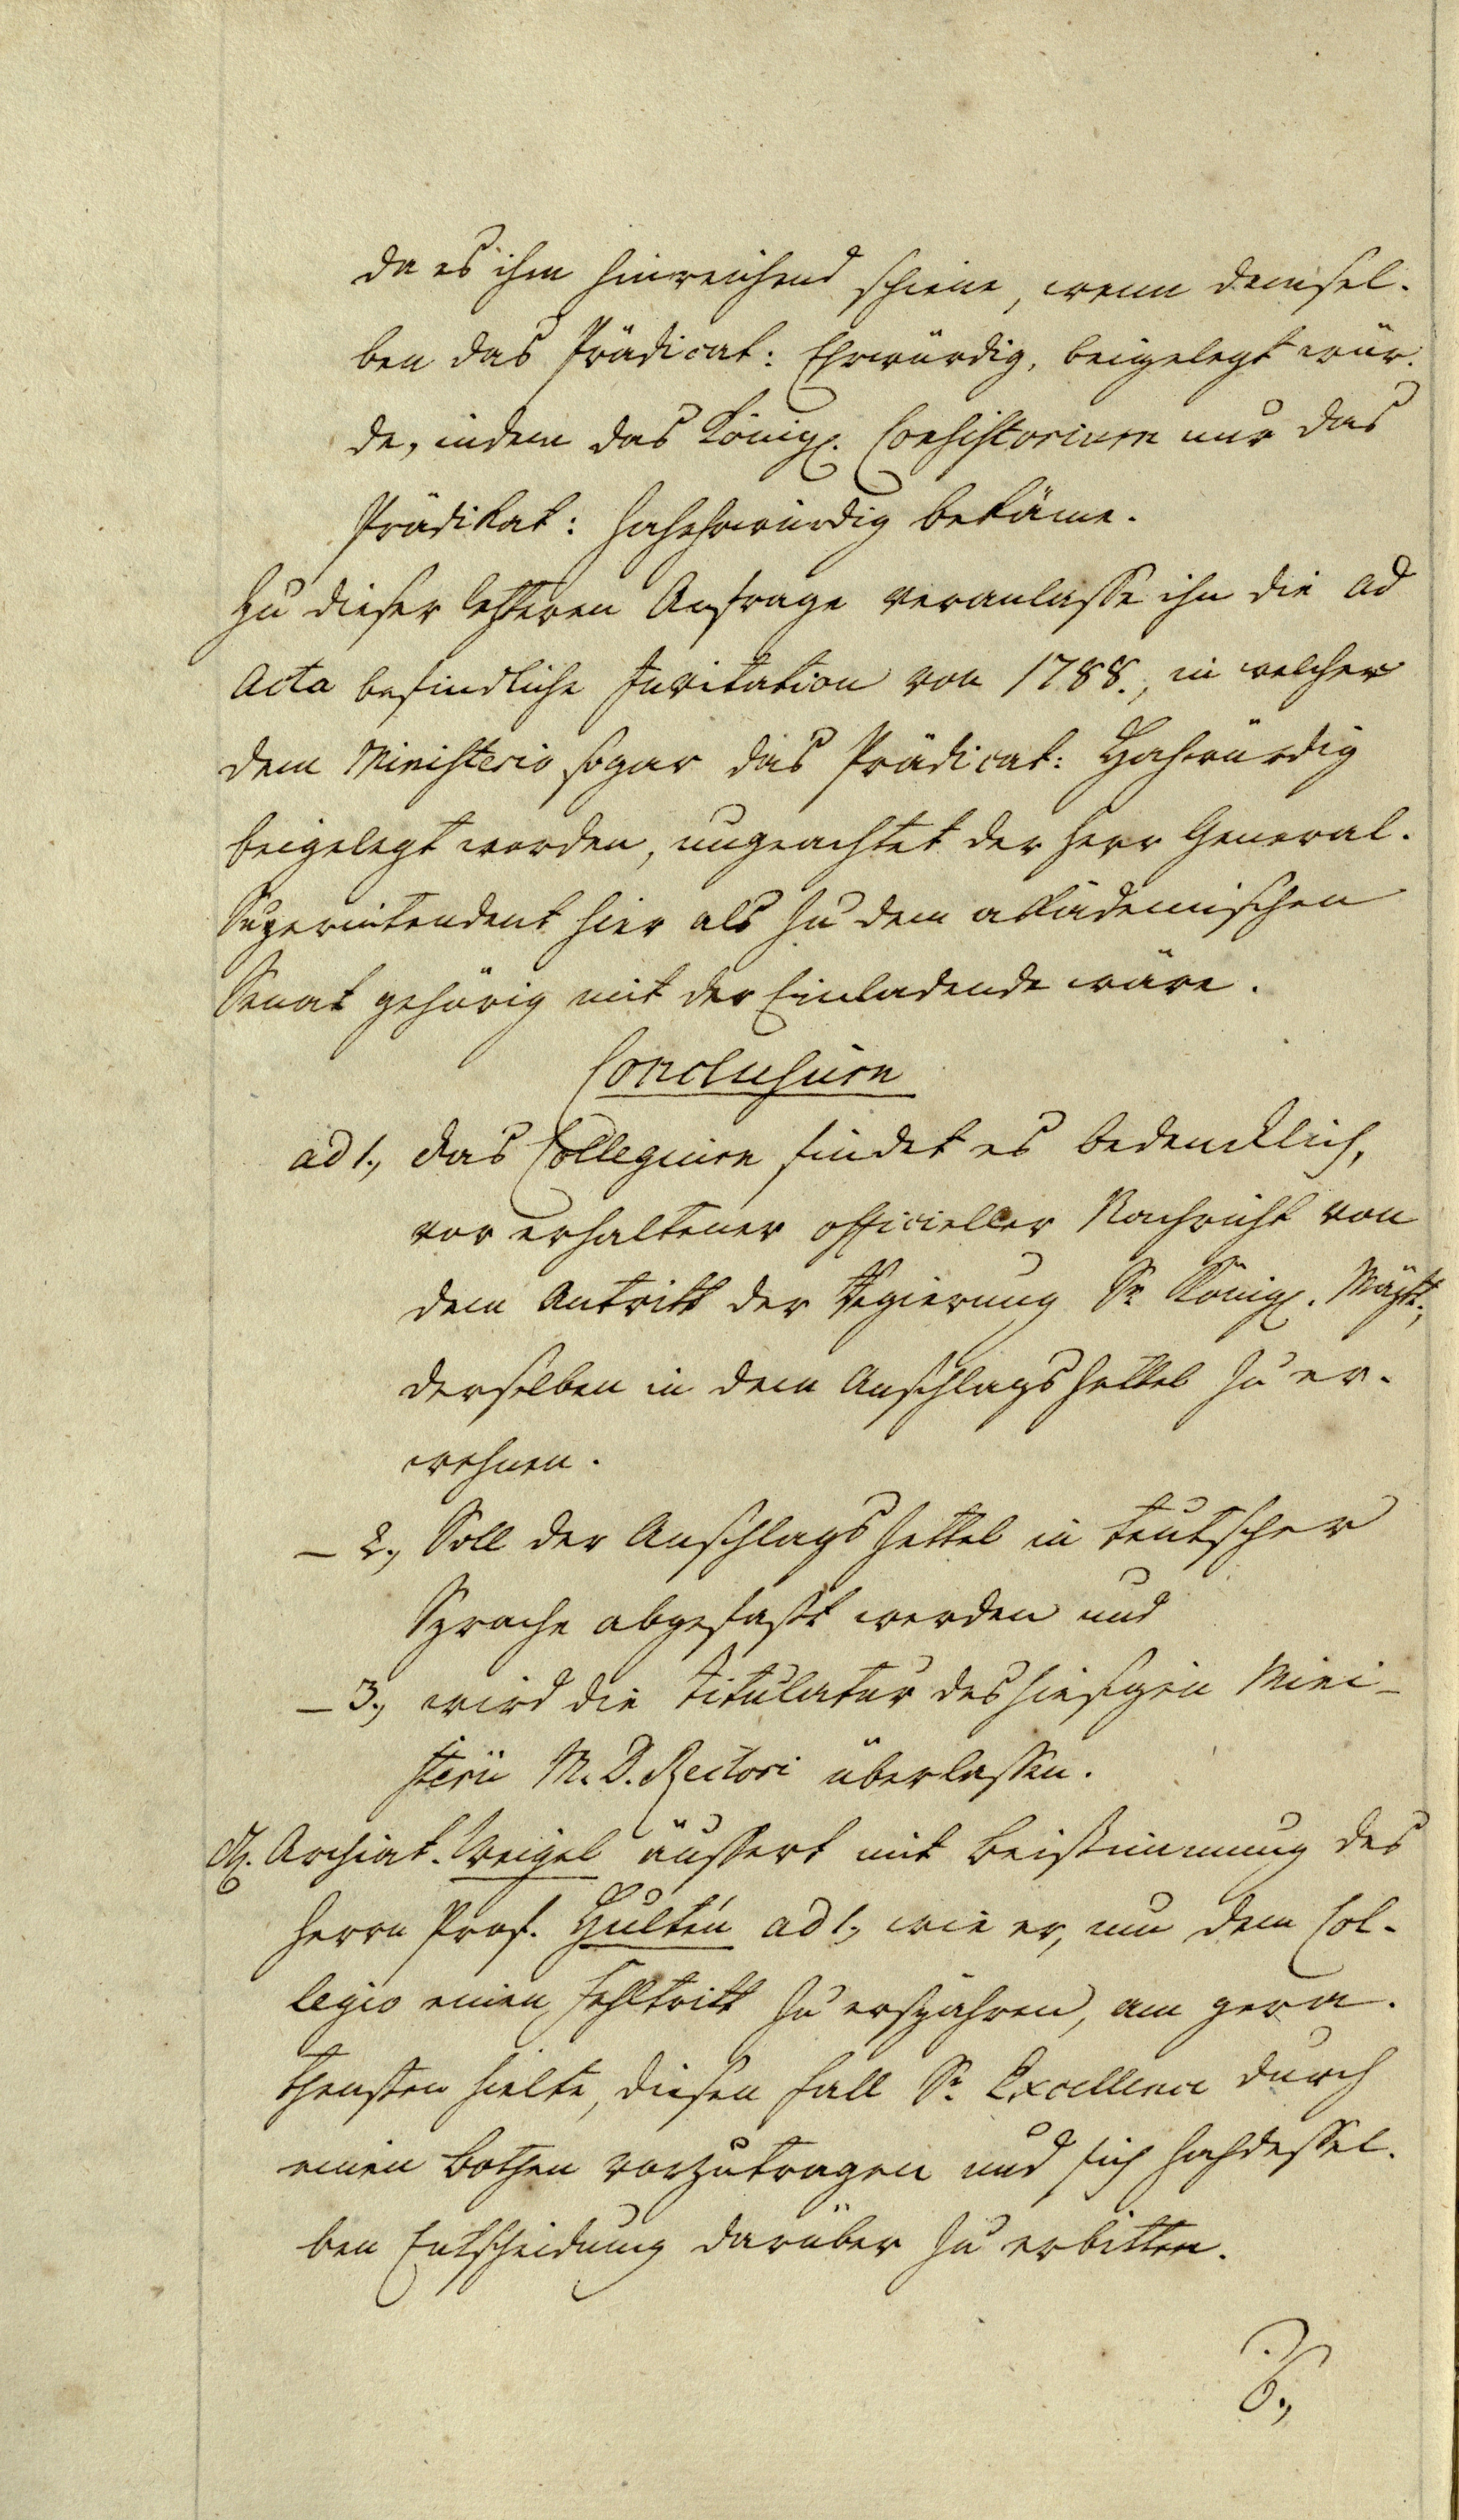da es ihm hinreichend schiene, wenn demsel¬
ben das Prädicat: Ehrwürdig, beigelegt wür¬
de, indem das Königl. Consistorium nur das
Prädikat: Hochehrwürdig bekäme.
Zu dieser letzteren Anfrage veranlasse ihn die ad
Acta befindliche Invitation von 1788., in welcher
dem Ministerio sogar das Prädicat: Hochwürdig
beigelegt worden, ungeachtet der Herr General¬
Superintendent hier als zu dem akademischen
Senat gehörig mit der Einladende wäre.
Conclusum
ad 1., Das Collegium findet es bedencklich,
vor erhaltener officieller Nachricht von
dem Antritt der Regierung Sr. Königl. Maÿtt.,
derselben in dem Anschlags Zettel zu er¬
wehnen.
2., Soll der Anschlags Zettel in teutscher
Sprache abgefaßt werden und
3., wird die Titulatur des hiesigen Mini¬
sterii M. D. Rectori überlassen.
dh. Archiat. Weigel äussert mit Beistimmung des
Herrn Prof. Hultén ad 1, wie er, um dem Col¬
legio einen Fehltritt zu erspahren, am gera¬
thensten hielte, diesen Fall Sr Excellence durch
einen Bothen vorzutragen und sich hochdessel¬
ben Entscheidung darüber zu erbitten.
6.,